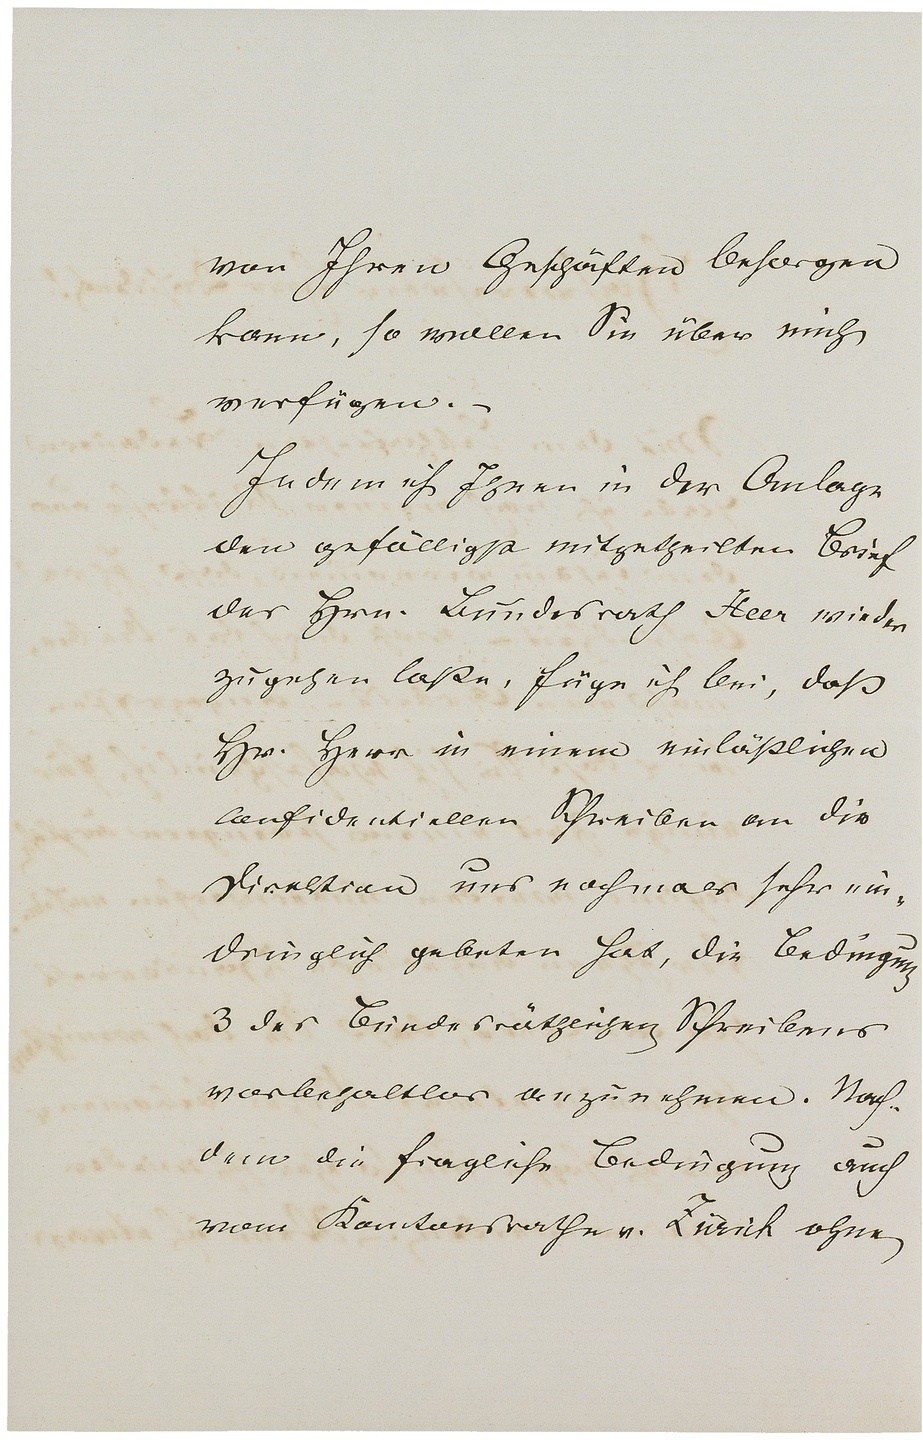von Ihren Geschäften besorgen
kann, so wollen Sie über mich
verfügen. –
Indem ich Ihnen in der Anlage
den gefälligst mitgetheilten Brief
des Hrn. Bundesrath Heer wieder
zugehen laße, füge ich bei, daß
Hr. Heer in einem einläßlichen
confidentiellen Schreiben an die
Direktion uns nochmals sehr ein-
dringlich gebeten hat, die Bedingung
3 des bundesräthlichen Schreibens
vorbehaltlos anzunehmen. Nach-
dem die fragliche Bedingung auch
vom Kantonsrathe v. Zürich ohne